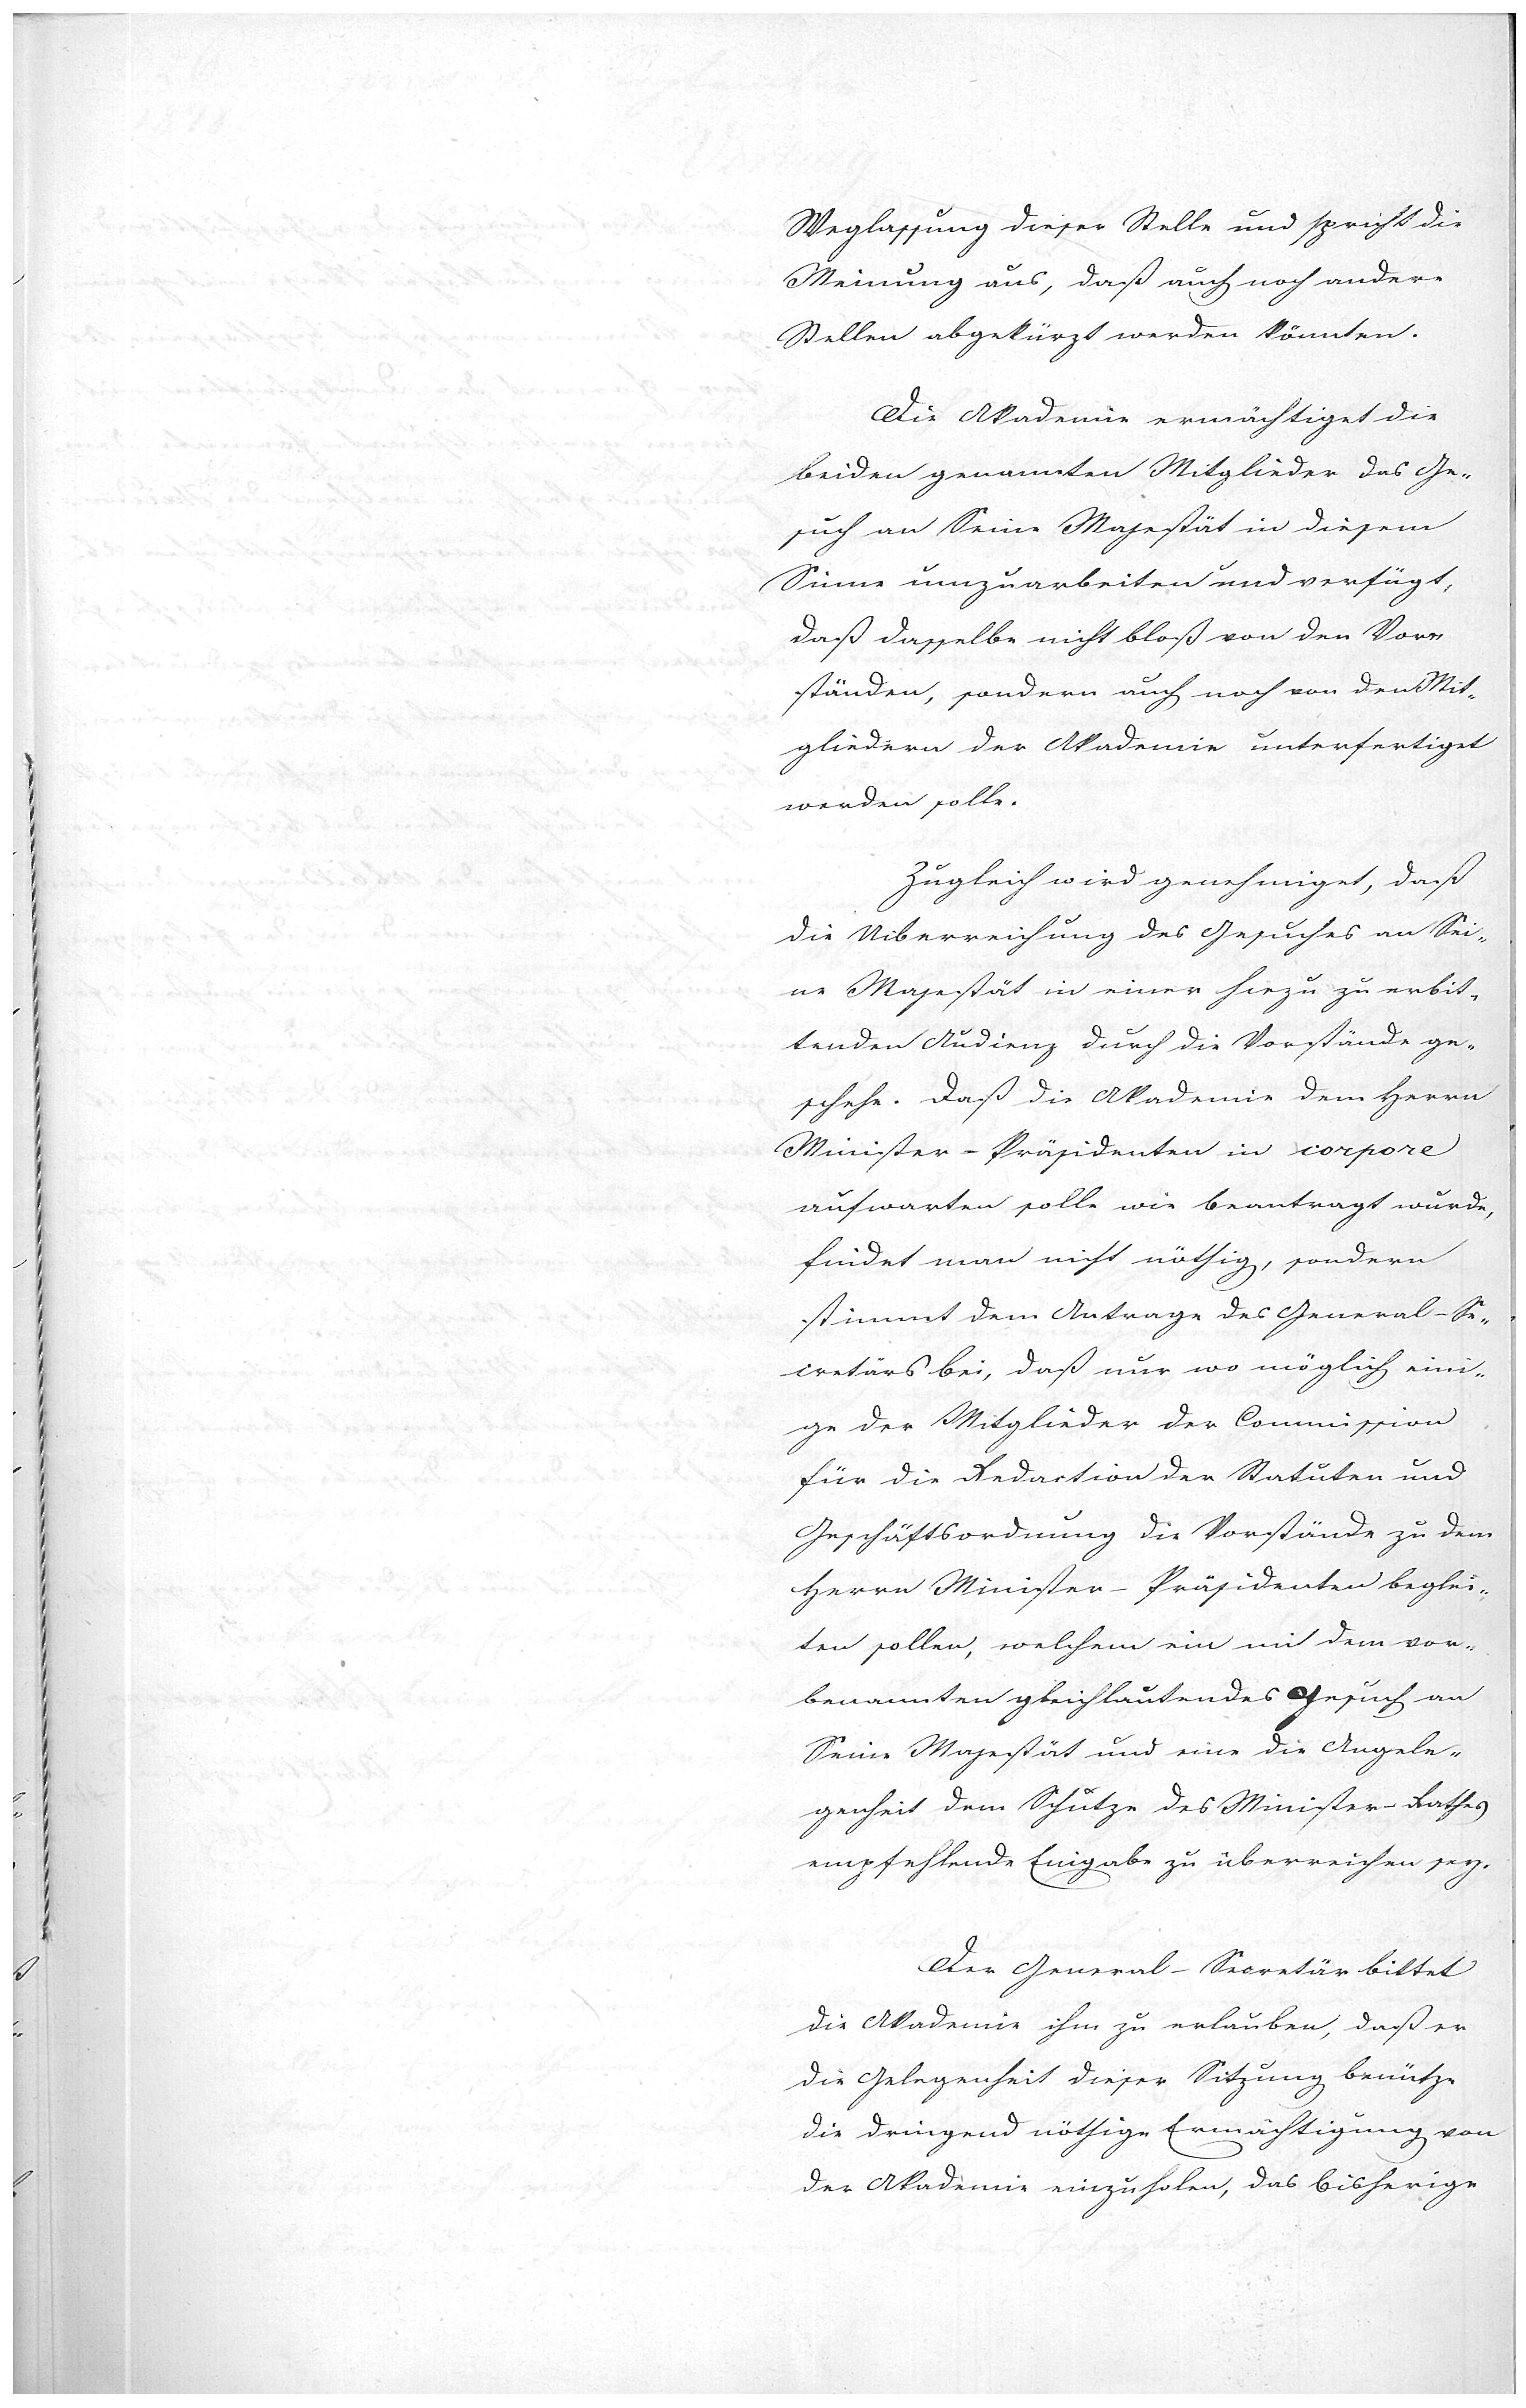Weglassung dieser Stelle und spricht die
Meinung aus, daß auch noch andere
Stellen abgekürzt werden könnten.
Die Akademie ermächtiget die
beiden genannten Mitglieder das Ge-
such an Seine Majestät in diesem
Sinne umzuarbeiten und verfügt,
daß dasselbe nicht bloß von den Vor-
ständen, sondern auch noch von den Mit-
gliedern der Akademie unterfertiget
werden solle.
Zugleich wird genehmiget, daß
die Uiberreichung des Gesuches an Sei-
ne Majestät in einer hiezu zu erbit-
tenden Audienz durch die Vorstände ge-
schehe. Daß die Akademie dem Herrn
Minister-Präsidenten in corpore
aufwarten soll wie beauftragt wurde,
findet man nicht nöthig, sondern
stimmt dem Antrage des General-Se-
cretärs bei, daß nur wo möglich eini-
ge der Mitglieder der Commission
für die Redaction der Statuten und
Geschäftsordnung die Vorstände zu dem
Herrn Minister-Präsidenten beglei-
ten sollen, welchem ein mit dem vor-
benannten gleichlautendes Gesuch an
Seine Majestät und eine die Angele-
genheit dem Schutze des Minister-Rathes
empfehlende Eingabe zu überreichen sey.
Der General-Secretär bittet
die Akademie ihm zu erlauben, daß er
die Gelegenheit dieser Sitzung benütze
die dringend nöthige Ermächtigung von
der Akademie einzuholen, das bisherige